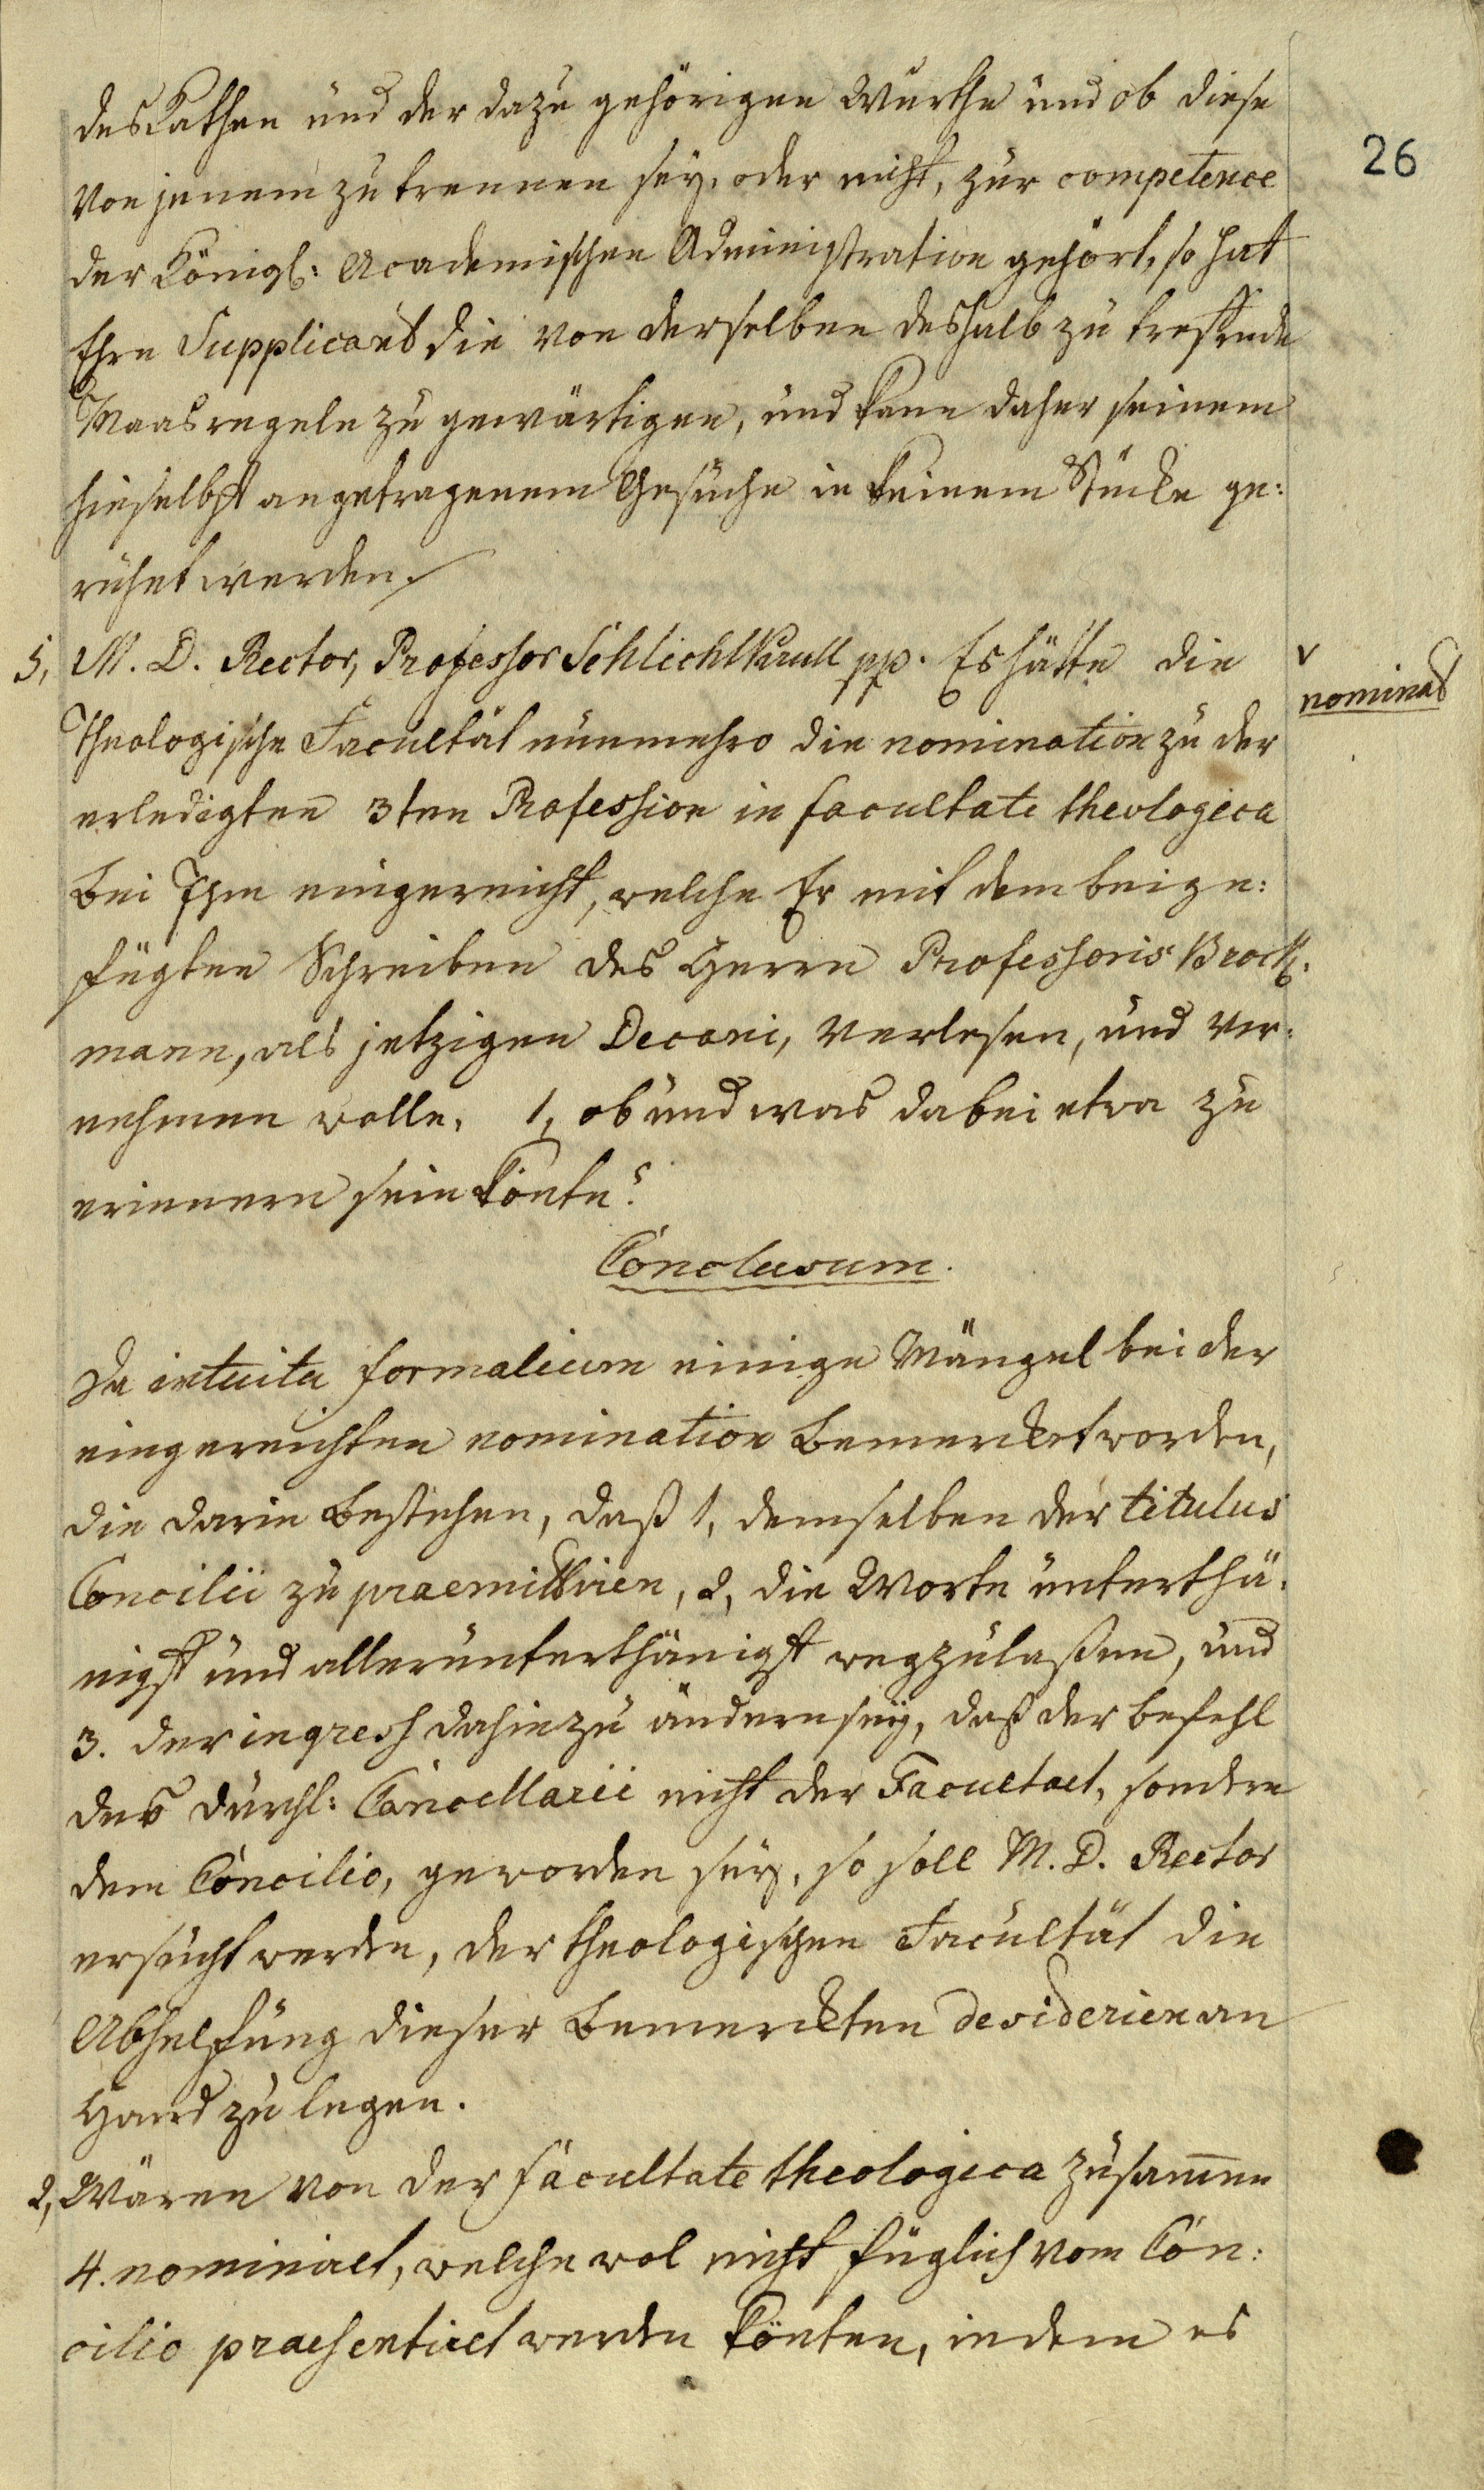des Kathens und der dazu gehörigen Wurthe und ob diese
von jenem zu trennen seÿ, oder nicht, zur competence
der Königl. Academischen Administration gehört, so hat
Ehre Supplicant die von derselben deshalb zu treffende
Maasregeln zu gewärtigen, und kann daher seinem
hieselbst getragenem Gesuche in keinem Stücke ge¬
ruhet werden.
5. M. D. Rector, Professor Schlichtkrull pp. Es hätte die
Theologische Facultät nunmehro die nomination zu der
erledigten 3 ten Profession in facultate theologica
bei Ihm eingereicht, welche Er mit dem beige¬
fügten Schreiben der Herrn Professoris Brock¬
mann, als jetzigen Decani, verlesen und ver¬
nhemen wolle, 1, ob und was dabei etwa zu
erinnern sein könte?
Conclusum.
Da intuiata formalium einige Mängel bei der
eingereichten nomination bemercket worden,
die darin bestehen, daß 1, demselben der titulus
Concilii zu praemittiren, 2, die Worte unterthä¬
nigst und allerunterthänigst wegzulaßen, und
3. der ingress dahin zu ändern seÿ, daß der Befehl
des Durchl. Cancellarii nicht der Facultaet, sondern
dem Concilio, geworden seÿ, so soll M. D. Rector
ersucht werden, der theologischen Facultät die
Abhelfung dieser bemerckten desiderien an
Hand zu legen.
2, Wären von der Facultate theologica zusamen
4 nominiret, welche wol nicht füglich vom Con¬
cilio praesentiret werden könten, indem es